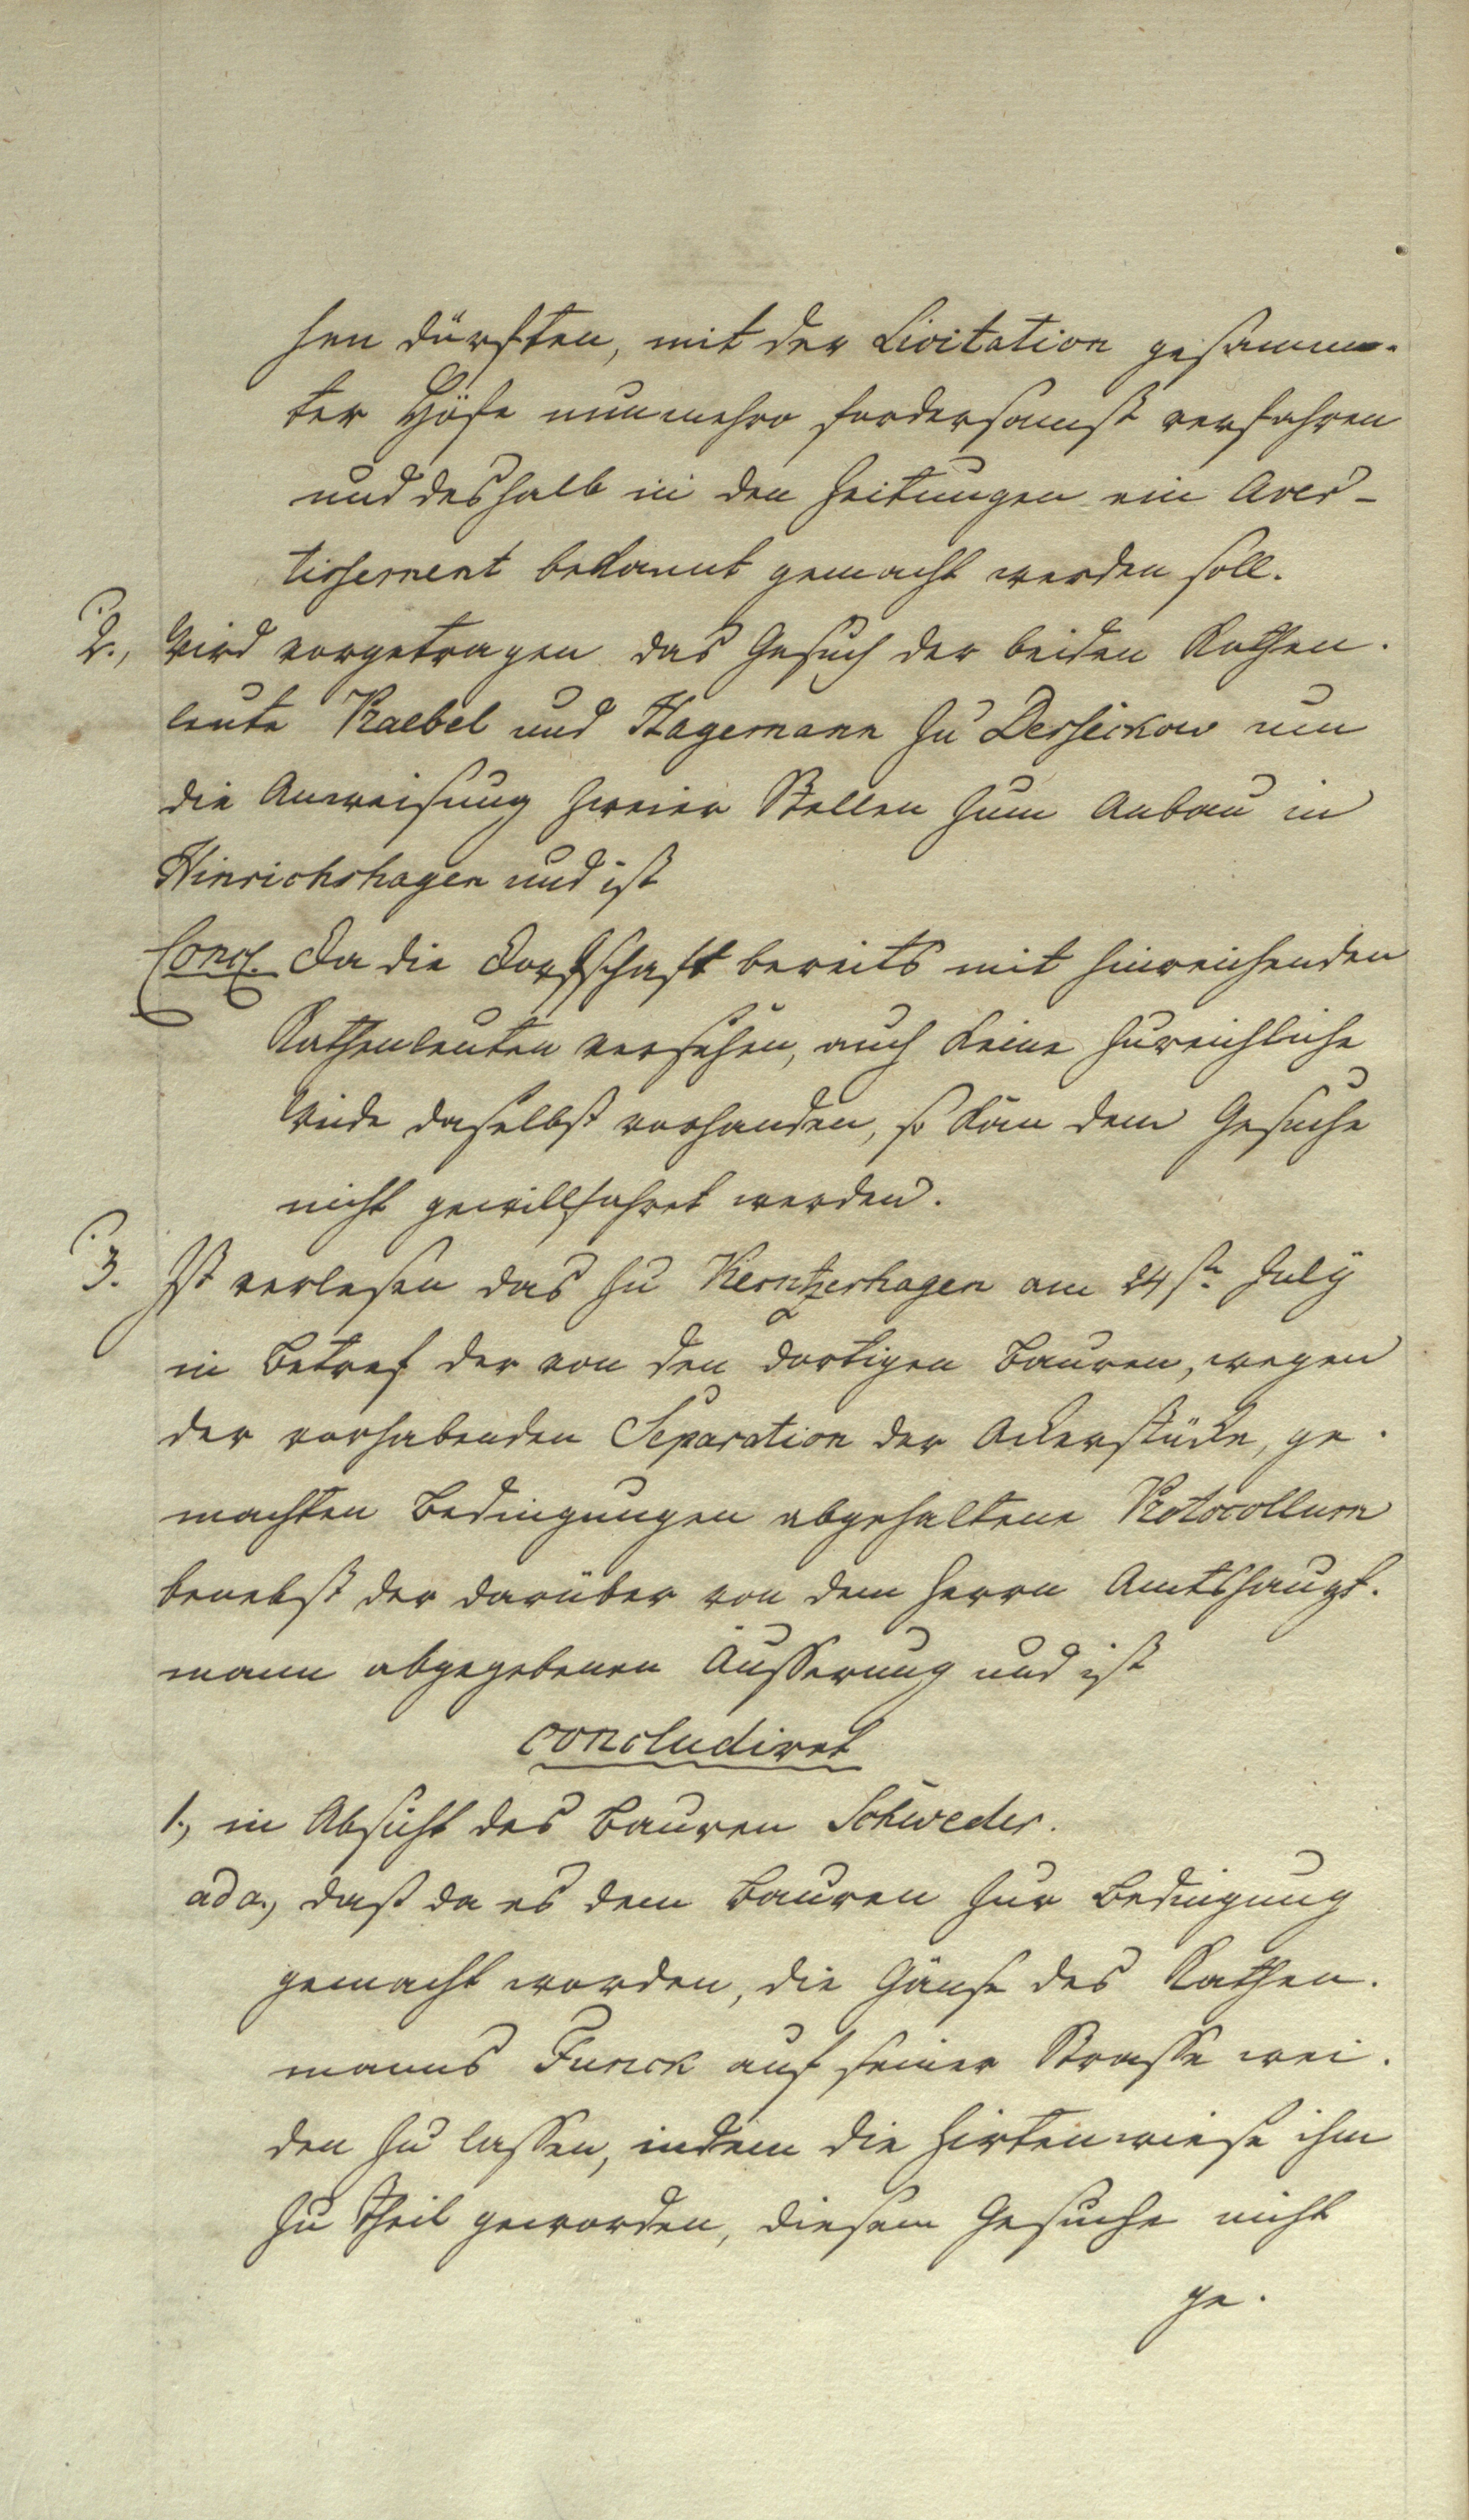hen dürften, mit der Licitation gesamm¬
der Höfe nunmehro fordersamst verfahren
und deshalb in den Zeitungen ein Aver¬
tissement bekannt gemacht werden soll.
2., Wird vorgetragen das Gesuch der beiden Kathen¬
leute Praebel und Hagemann zu Derseckow um
die Anweisung zweier Stellen zum Anbau in
Hinrichshagen und ist
Concl. Da die Dorfschaft bereits mit hinreichenden
Kathenleuten versehen, auch keine zureichliche
Weide daselbst vorhanden, so kan dem Gesuche
nicht gewillfahret werden.
3. Ist verlesen das zu Kemtzerhagen am 24 t. Julÿ
in Betref der von den dortigen Bauren, wegen
der vorhabenden Separation der Ackerstücke, ge¬
machten Bedingungen abgehaltene Protocollum
benebst der darüber von dem Herrn Amtshaupt¬
mann abgegebenen Äusserung und ist
concludiret
1., in Absicht des Bauren Schweder.
ad a., daß da es dem Bauren zur Bedingung
gemacht worden, die Gänse des Kathen¬
manns Funck auf seiner Strasse wei¬
den zu lassen, indem die Hirtenwiese ihm
zu Theil geworden, diesem Gesuche nicht
ge¬